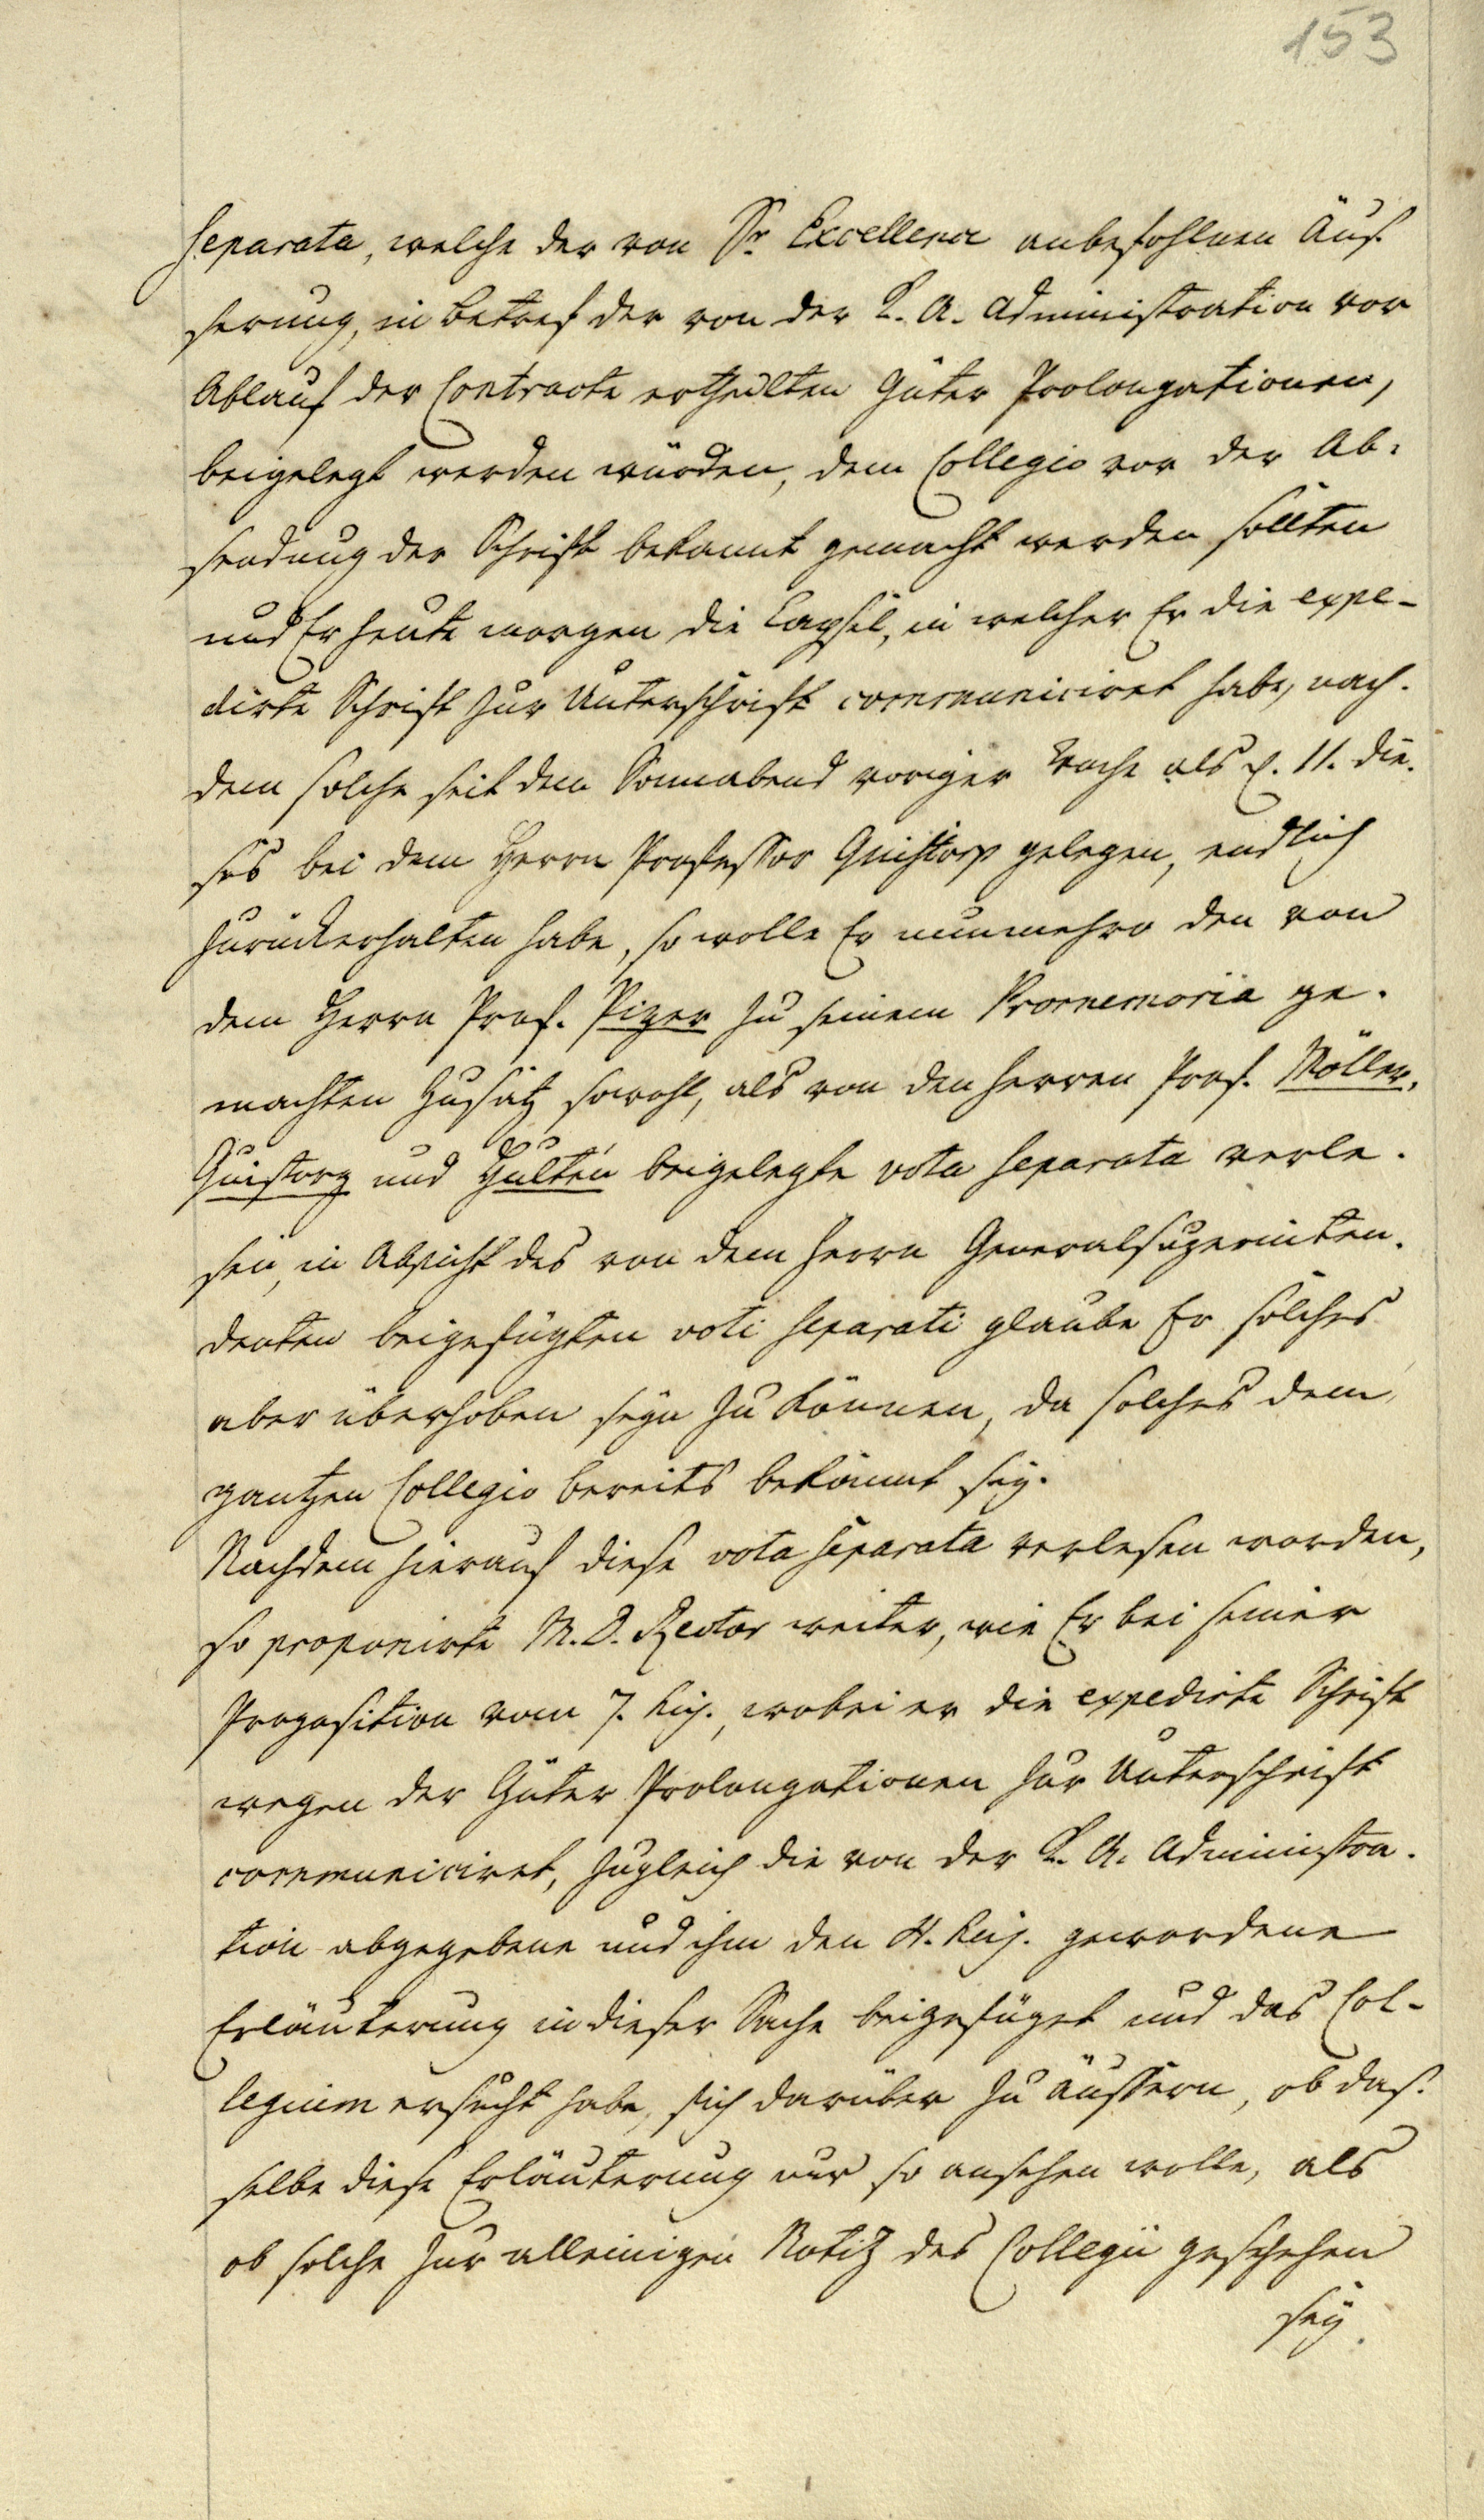separata, welche der von Sr Excellence anbefohlnen Äus¬
serung, in Betref der von der K. A. Administration vor
Ablauf der Contracte ertheilten Güter Prolongationen,
beigelegt werden würden, dem Collegio vor der Ab¬
sendung der Schrift bekannt gemacht werden sollten
und Er heute morgen die Capsel, in welcher Er die expe¬
dirte Schrift zur Unterschrift communiciret habe, nach¬
dem solche seit dem Sonnabend voriger Woche als d. 11. die¬
ses bei dem Herrn Professor Quistorp gelegen, endlich
zurückerhalten habe, so wolle Er nunmehro den von
dem Herrn Prof. Piper zu seinem Promemoria ge¬
machten Zusatz sowohl, als von den Herren Prof. Möller,
Quistorp und Hultén beigelegte vota separata verle¬
sen, in Absicht des von dem Herrn Generalsuperinten¬
denten beigefügten voti separati glaube Er solches
aber überhoben seÿn zu können, da solches dem
gantzen Collegio bereits bekannt seÿ.
Nachdem hierauf diese vota separata verlesen worden,
so proponirte M. D. Rector weiter, wie Er bei seiner
Proposition vom 7. huj., wobei er die expedirte Schrift
wegen der Güter Prolongationen zur Unterschrift
communiciret, zugleich die von der K. d. Administra¬
tion abgegebene und ihm den 4. huj. gewordene
Erläuterung in dieser Sache beigefüget und das Col¬
legium ersucht habe, sich darüber zu äussern, ob das¬
selbe diese Erläuterung nur so ansehen wolle, als
ob solche zur alleinigen Notiz des Collegii geschehen
seÿ.